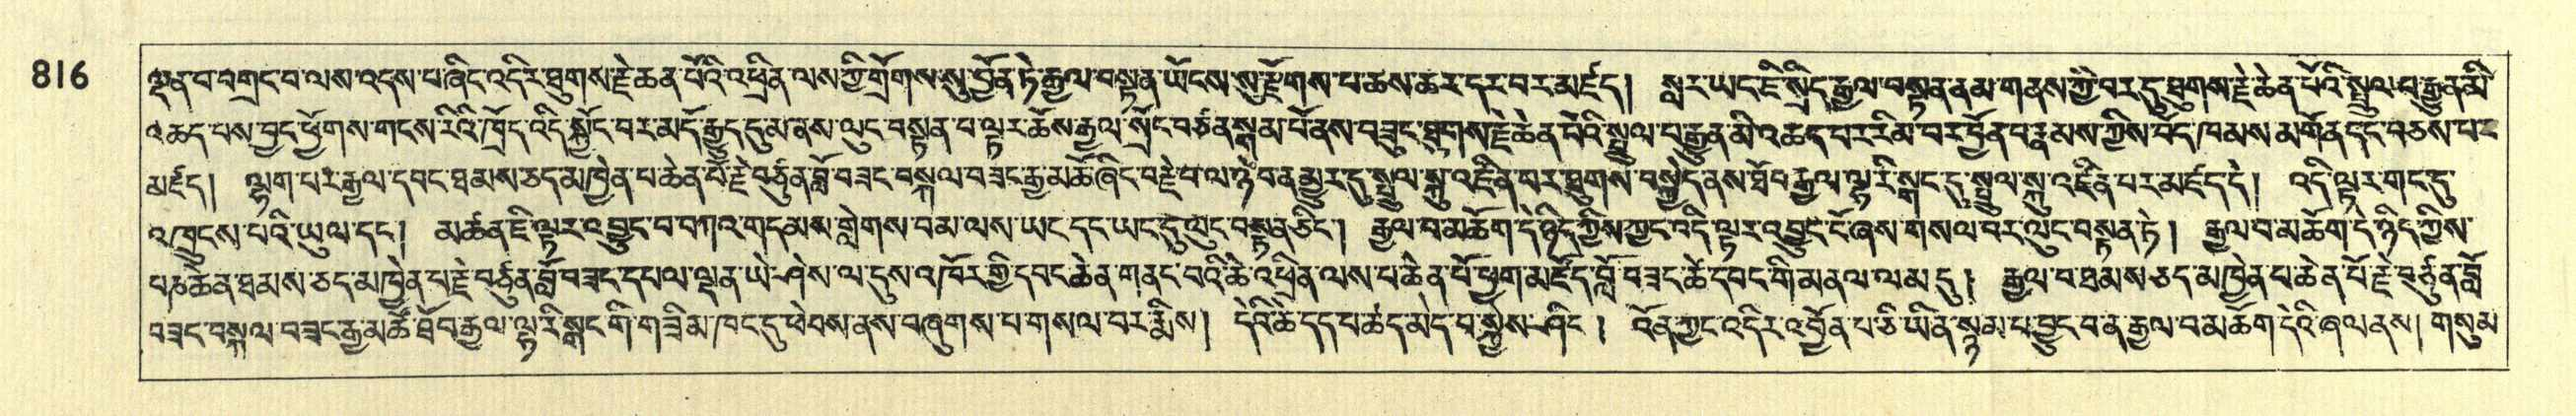ལྡན་བ་བགྲང་བ་ལས་འདས་པ་ཞིང་འདིར་ཐུགས་རྗེ་ཆན་པོའི་འཕིན་ལས་ཀྱི་གྲོགས་སུ་བྱོན་ཏེ་རྒྱལ་བསྟན་ཡོངས་སུ་རྫོགས་པས་ཆས་ཆར་དར་བར་མཛད། སླར་ཡང་ཇི་སྲིད་རྒྱལ་བསྟན་ནམ་གནས་ཀྱི་བར་དུ་ཐུགས་རྗེ་ཆེན་པོའི་སྤྲུལ་བ་རྒྱུན་མི་
འཆད་བས་བྱང་ཕྱོགས་གངས་རིའི་ཁྲོད་འདི་སྐྱོད་བར་མདོ་རྒྱུད་དུ་མ་ནས་ལུང་བསྟན་བ་ལྟར་ཆོས་རྒྱལ་སྲོང་བཙན་སྒམ་པོ་ནས་བཟུང་ཐུགས་རྗེ་ཆེན་པོའི་སྤྲུལ་བ་རྒྱུན་མི་འཆད་པར་རིམ་བར་བྱོན་བ་རྣམས་ཀྱིས་བོད་ཁམས་མགོན་དང་བཅས་པར་
མཛད། ལྷག་པར་རྒྱལ་དབང་ཐམས་ཅད་མཁྱེན་པ་ཆེན་བོ་རྗེ་བཙུན་བློ་བཟང་བསྐལ་བཟང་རྒྱ་མཚོ་ཞིང་བརྗེ་བ་ལ་ཉེ་བ་ན་མྱུར་དུ་སྤྲུལ་སྐུ་འཛིན་པར་ཐུགས་བསྐྱེད་ནས་ཐོབ་རྒྱལ་ལྷ་རི་སྒང་དུ་སྤྲུལ་སྐུ་འཛིན་པར་མཛད་དེ། འདི་ལྟར་གང་དུ་
འཁྲུངས་པའི་ཡུལ་དང་། མཚན་ཇི་ལྟར་འབྱུང་བ་བཀའ་གདམས་གླེགས་བམ་ལས་ཡང་དང་ཡང་དུ་ལུང་བསྟན་ཅིང་། རྒྱལ་བ་མཆོག་དེ་ཉིད་ཀྱིས་ཀྱང་འདི་ལྟར་འབྱུང་ངོ་ཞས་གསལ་བར་ལུང་བསྟན་ཏེ། རྒྱལ་བ་མཆོག་དེ་ཉིད་ཀྱིས་
པཎ་ཆེན་ཐམས་ཅད་མཁྱེན་པ་རྗེ་བཙུན་བློ་བཟང་དཔལ་ལྡན་ཡེ་ཤེས་ལ་དུས་འཁོར་གྱི་དབང་ཆེན་གནང་བའི་ཆེ་འཕྲིན་ལས་པ་ཆེན་པོ་ཕྱག་མཛོད་བློ་བཟང་ཚེ་དབང་གི་མནལ་ལམ་དུ། རྒྱལ་བ་ཐམས་ཅད་མཁྱེན་པ་ཆེན་པོ་རྗེ་བཙུན་བློ་
བཟང་བསྐལ་བཟང་རྒྱ་མཚོ་ཐོབ་རྒྱལ་ལྷ་རི་སྒང་གི་གཟིམ་ཁང་དུ་ཕེབས་ནས་བཞུགས་པ་གསལ་བར་རྨིས། དེའི་ཆེ་དད་པ་ཚད་མེད་བ་སྐྱེས་ཤིང་། འོན་ཀྱང་འདིར་འབྱོན་པ་ཅི་ཡིན་སྙམ་པ་བྱུང་བ་ན་རྒྱལ་བ་མཆོག་དེའི་ཞལ་ནས། གསུམ་